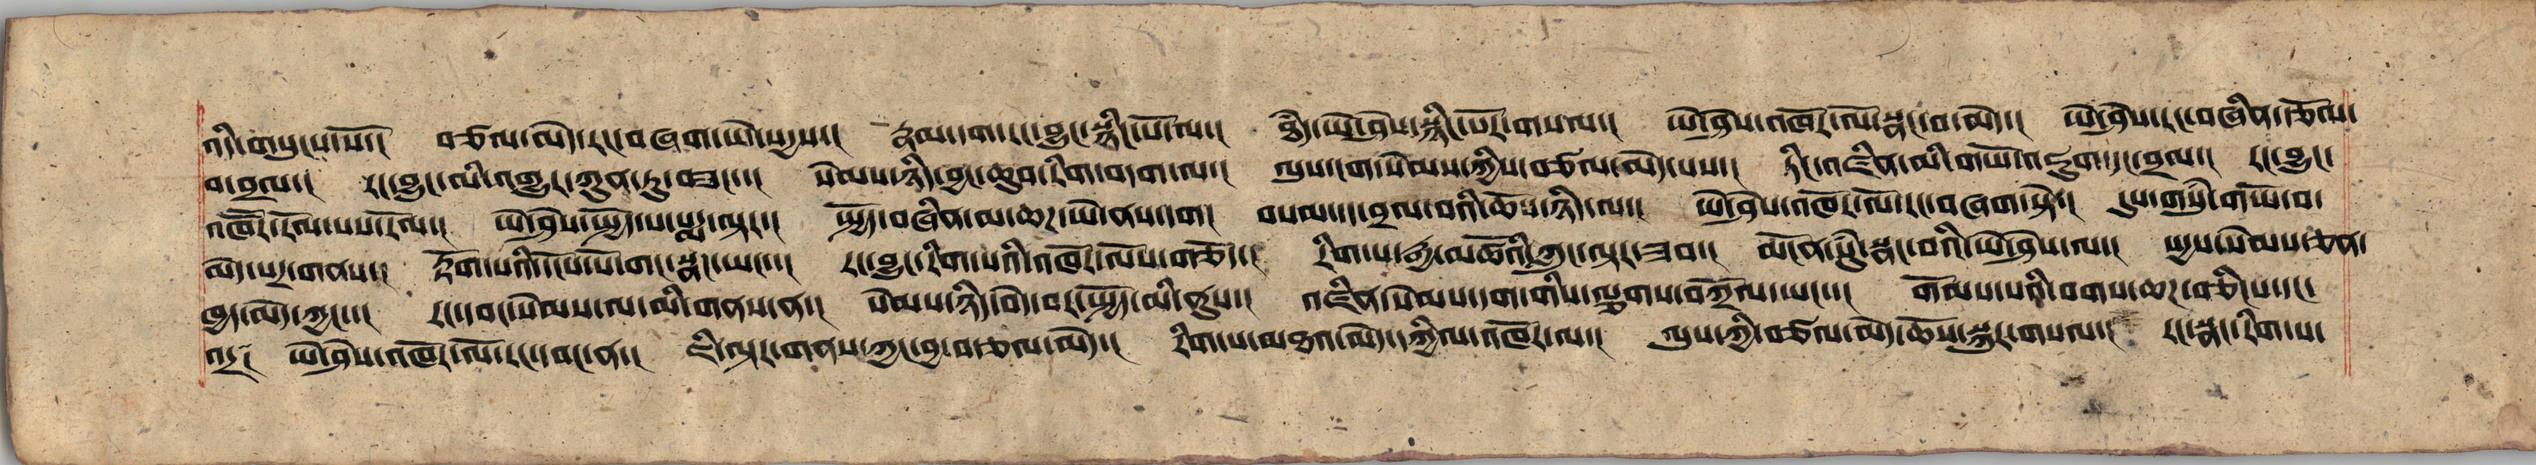འདི་གསུངས་སོ་། བཙལ་མེད་རང་བཞག་ཡེ་སདྱས་། རྣམ་དག་རང་བྱུང་སྙིང་པོ་ལ་། ཐཾད་ཡེ་ཤེས་སྙིང་པོར་གསལ་། ཡེ་ཤེས་འཁོར་ལོ་སྣང་བ་མེད་། ཡེ་ཤེས་རང་བཞིན་རྩོལ་
བ་བྲལ་། རང་བྱུང་མི་འགྱུར་ཀུན་ཏུ་བཟང་། སེམས་ཉིད་བྱང་ཆུབ་རིག་བདག་ལ་། ལུས་ངག་སེམས་ཀྱིས་བཙལ་མེད་པས་། ཏིང་འཛིན་མི་གཡོ་འཇུག་དང་བྲལ་། རང་བྱུང་
འཁཽར་རོལ་པས་རོལ་། ཡེ་ཤེས་སྤྱོད་པ་པདྨ་ལྟར་། སྤྱོད་བཞིན་མ་ཆཌ་ཡེ་ནས་དག། བསམ་དང་བྲལ་བའི་ཆོས་ཉིད་ལ་། ཡེ་ཤེས་འཁོར་ལོ་རང་བཞག་སྟེ་། དུས་གསུཾ་གཡོ་བ་
མེད་པར་གནས་། རྟོག་པའི་དངོས་པོ་གང་སྣང་ཡང་། རང་བྱུང་རིག་པའི་འཁོར་ལོས་གཅོད་། རིག་པ་རྒྱ་མཚོའི་ཀླུང་ལྟར་ཟབ་། མངོན་སུཾ་སྣང་བའི་ཡེ་ཤེས་ལ་། སདྱས་སེམས་ཅན་
ཁྱད་མེད་ཀྱང་། རང་དབང་སེམས་ལ་མི་གནས་ན་། སེམས་ཉིད་བདེ་བར་སྤྱོད་མི་ནུས་། འཛིན་སེམས་དག་གིས་ལྕགས་བཀྲོལ་ཡང་། གོམས་པའི་བགས་ཆཌ་བཅིངས་དང་
འདྲ༑ ཡེ་ཤེས་འཁོར་ལོ་རང་དབང་ན་། ཇི་ལྟར་གནས་ཀྱང་བྱ་བརྩལ་མེད་། རིག་པ་མཐའ་མེད་དཀྱིལ་འཁོར་ལ་། ལུས་ཀྱི་བཙལ་མེད་ཆོས་སྐུར་གསལ་། རང་སྣང་རིག་པ་